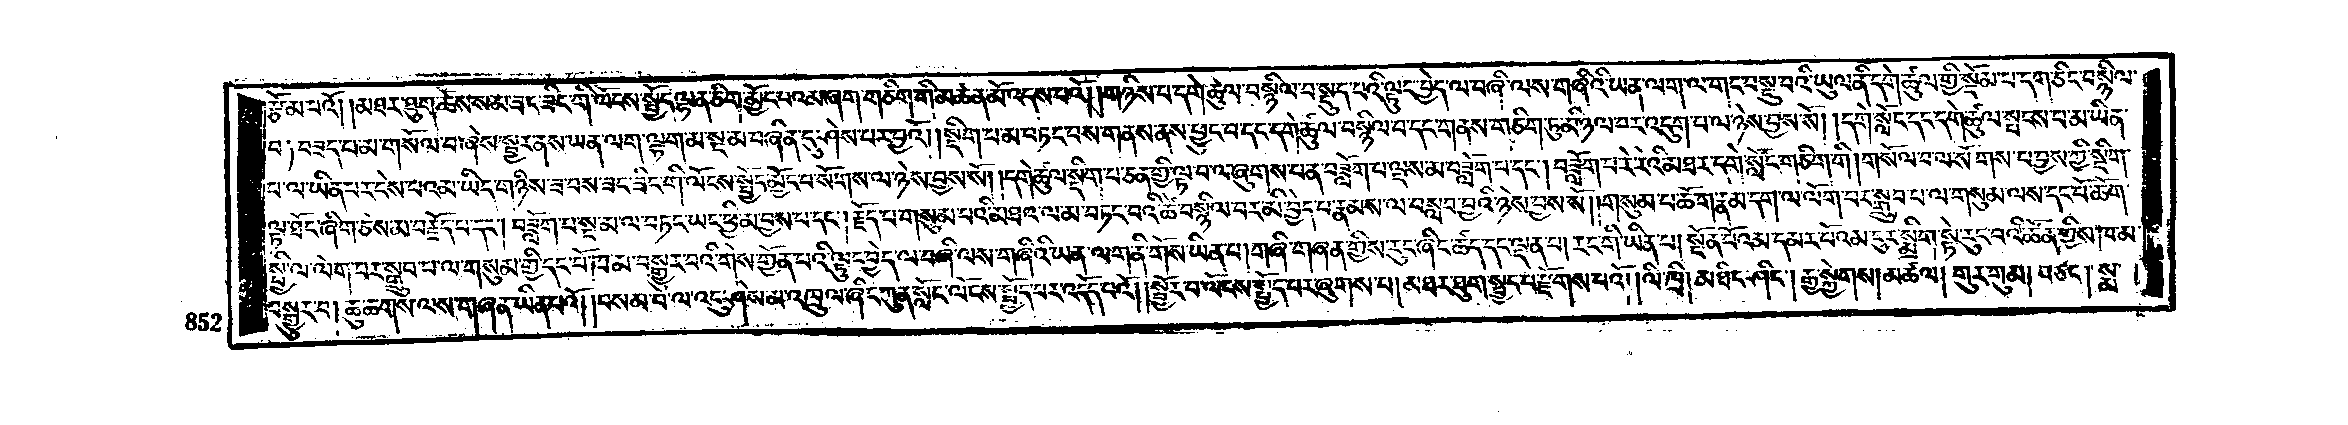རྩོམ་པའོ། །མཐར་ཐུག་ཆོས་སམ་ཟང་ཟིང་གི་ལོངས་སྤྱོད་ལྷན་ཅིག་མྱོང་པའམ་ཞག་གཅིག་གི་མཚན་མོ་འདས་པའོ། །གཉིས་པ་དགེ་ཚུལ་བསྙིལ་བ་སྡུད་པའི་ལྟུང་བྱེད་ལ་བཞི་ལས་གཞིའི་ཡན་ལག་ལ་གང་བསྡུ་བའི་ཡུལ་ནི་དགེ་ཚུལ་གྱི་སྡོམ་པ་དག་ཅིང་བསྙིལ་
བ༑ བཟད་པ་མ་གསོལ་བ་ཞེས་སྦྱར་ནས་ཡན་ལག་ལྷག་མ་སྔ་མ་བཞིན་དུ་ཤེས་པར་བྱའོ། །སྡིག་པ་མ་བཏང་བས་གནས་ནས་ཕྱུང་བ་དང་དགེ་ཚུལ་བསྙིལ་བ་དང་གནས་གཅིག་ཏུ་མི་ཉལ་བར་འདུག་པ་ལ་ཉེས་བྱས་སོ། །དགེ་སློང་དང་དགེ་ཚུལ་སྤངས་པ་མ་ཡིན་
པ་ལ་ཡིན་པར་ངེས་པའམ་ཡིད་གཉིས་ཟ་བས་ཟང་ཟིང་གི་ལོངས་སྤྱོད་མྱོང་བ་སོགས་ལ་ཉེས་བྱས་སོ། །དགེ་ཚུལ་སྡིག་པ་ཅན་གྱི་ལྟ་བ་ལ་ཞུགས་པ་ན་བཟློག་པ་ལྔས་མ་བཟློག་པ་དང་། བཟློག་པ་རེ་རེའི་མཐར་དགེ་སློང་གཅིག་གི །གསོལ་བ་ལ་སོགས་པ་བྱས་ཀྱི་སྡིག་
ལྟ་ཐོང་ཞིག་ཅེས་མ་བརྗོད་པ་དང་། བཟློག་པ་སྔ་མ་ལ་བཏང་ཡང་ཕྱི་མ་བྱས་པ་དང་། རྗོད་པ་གསུམ་པའི་མཐའ་ལ་མ་བཏང་བའི་ཚེ་བསྙིལ་བར་མི་བྱེད་པ་རྣམས་ལ་བསླབ་བྱའི་ཉེས་བྱས་སོ། །གསུམ་པ་ཆོ་ག་རྣམ་དག་ལ་ལོག་པར་སྒྲུབ་པ་ལ་གསུམ་ལས་དང་པོ་ཆོག་
སྤྱི་ལ་ལོག་པར་སྒྲུབ་པ་ལ་གསུམ་གྱི་དང་པོ་ཁ་མ་བསྒྱུར་བའི་གེས་གྱོན་པའི་ལྟུང་བྱེད་ལ་བཞི་ལས་གཞིའི་ཡན་ལག་ནི་གོས་ཡིན་པ། གཞི་གཞན་གྱིས་རུང་ཞིང་ཚད་དང་ལྡན་པ། རང་གི་ཡིན་པ། སྔོན་པོའམ་དམར་པོའམ་ངུར་སྨིག་སྟེ་རུང་བའི་ཚོན་གྱིས་ཁ་མ་
བསྒྱུར་བ། ཆུ་ཆགས་ལས་གཞན་ཡིན་པའོ། །བསམ་པ་ལ་འདུ་ཤེས་མ་འཁྲུལ་ཞིང་ཀུན་སློང་ལོངས་སྤྱོད་པར་འདོད་པའོ། །སྦྱོར་བ་ལོངས་སྤྱོད་པར་ཞུགས་པ། མཐར་ཐུག་སྤྱད་པ་རྫོགས་པའོ། །ལི་ཁྲི། མཐིང་ཤིང་། རྒྱ་སྐྱེགས། མཚལ། གུར་གུམ། བཙང་། སྨན་